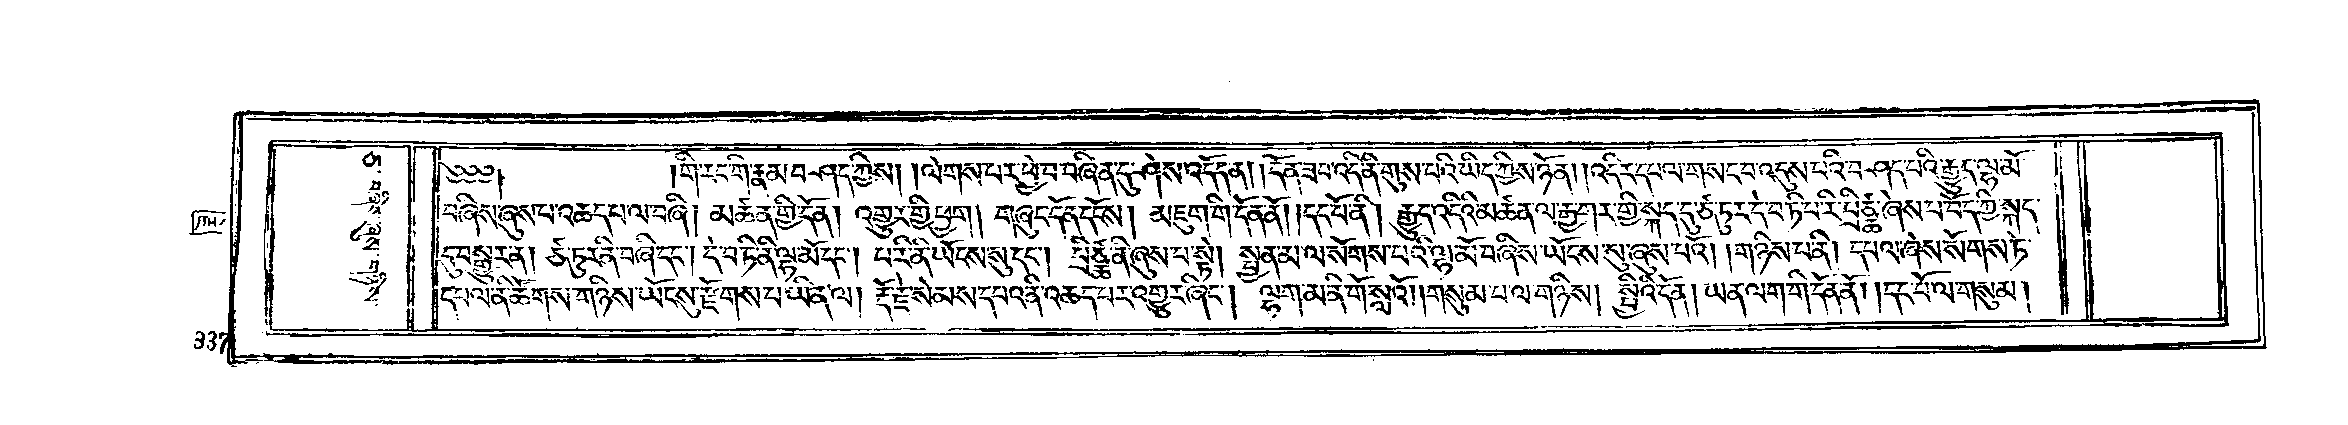༄༅༅། །གི་རང་གི་རྣམ་བཤད་ཀྱིས། །ལེགས་པར་བྱ་བ་བཞིན་དུ་ཤེས་འདོད་ན། །དོན་ཟབ་འདི་ནི་གུས་པའི་ཡིད་ཀྱིས་ཉོན། །འདིར་དཔལ་གསང་བ་འདུས་པའི་བཤད་པའི་རྒྱུད་ལྷ་མོ་
བཞིས་ཞུས་པ་འཆད་པ་ལ་བཞི། མཚན་གྱི་དོན། འགྱུར་གྱི་ཕྱག །གཞུང་དོན་དངོས། མཇུག་གི་དོན་ནོ། །དང་པོ་ནི། རྒྱུད་འདིའི་མཚན་ལ་རྒྱ་གར་གྱི་སྐད་དུ་ཙ་ཏུར་དེ་བ་ཏི་པ་རི་པྲིཙྪ་ཞེས་པ་བོད་ཀྱི་སྐད་
དུ་བསྒྱུར་ན། ཙ་ཏུར་ནི་བཞི་དང་། དེ་བཏི་ནི་ལྷ་མོ་དང་། པ་རི་ནི་ཡོངས་སུ་དང་། པྲིཙྪ་ནི་ཞུས་པ་སྟེ། སྤྱན་མ་ལ་སོགས་པའི་ལྷ་མོ་བཞིས་ཡོངས་སུ་ཞུས་པའོ། །གཉིས་པ་ནི། དཔལ་ཞེས་སོགས་ཏེ་
དཔལ་ནི་ཚོགས་གཉིས་ཡོངས་སུ་རྫོགས་པ་ཡིན་ལ། རྡོ་རྗེ་སེམས་དཔའ་ནི་འཆད་པར་འགྱུར་ཞིང་། ལྷག་མ་ནི་གོ་སླའོ། །གསུམ་པ་ལ་གཉིས། སྤྱིའི་དོན། ཡན་ལག་གི་དོན་ནོ། །དང་པོ་ལ་གསུམ།